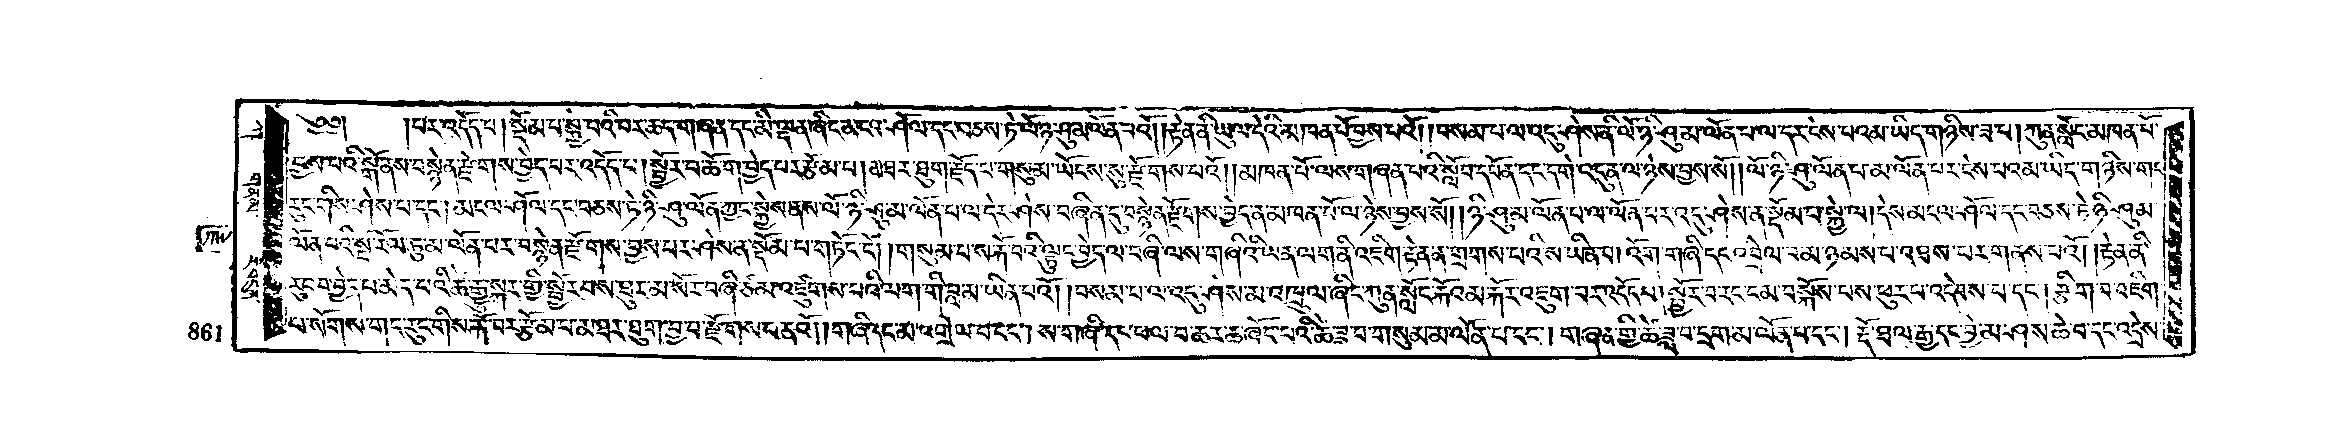༄༅། །པར་འདོད་པ། སྡོམ་པ་སྐྱེ་བའི་བར་ཆད་གཞན་དང་མི་ལྡན་ཞིང་མངའ་ཤོལ་དང་བཅས་ཏེ་ལོ་ཉི་ཤུ་མ་ལོན་པའོ། །རྟེན་ནི་ཡུལ་དེའི་མཁན་པོ་བྱས་པའོ། །བསམ་པ་ལ་འདུ་ཤེས་ནི་ལོ་ཉི་ཤུ་མ་ལོན་པ་ལ་དར་ངེས་པའམ་ཡིད་གཉིས་ཟ་པ། ཀུན་སློང་མཁན་པོ་
བྱས་པའི་སྒོ་ནས་བསྙེན་རྫོགས་བྱེད་པར་འདོད་པ། སྦྱོར་བ་ཆོ་ག་བྱེད་པར་རྩོམ་པ། མཐར་ཐུག་རྗོད་པ་གསུམ་ཡོངས་སུ་རྫོགས་པའོ། །མཁན་པོ་ལས་གཞན་པའི་སློབ་དཔོན་དང་དགེ་འདུན་ལ་ཉེས་བྱས་སོ། །ལོ་ཉི་ཤུ་ལོན་པ་མ་ལོན་པར་ངེས་པའམ་ཡིད་གཉིས་གང་
རུང་གིས་ཤེས་པ་དང་། མངལ་ཤོལ་དང་བཅས་ཏེ་ཉི་ཤུ་ལོན་ཀྱང་སྐྱེས་ནས་ལོ་ཉི་ཤུ་མ་ལོན་པ་ལ་དེར་ཤེས་བཞིན་དུ་བསྙེན་རྫོགས་བྱེད་ན་མཁན་པོ་ལ་ཉེས་བྱས་སོ། །ཉི་ཤུ་མ་ལོན་པ་ལ་ལོན་པར་འདུ་ཤེས་ན་སྡོམ་པ་སྐྱེ་ལ། དེས་མངལ་ཤོལ་དང་བཅས་ཏེ་ཉི་ཤུ་མ་
ལོན་པའི་སྔ་རོལ་ཏུ་མ་ལོན་པར་བསྙེན་རྫོགས་བྱས་པར་ཤེས་ན་སྡོམ་པ་གཏོང་ངོ། །གསུམ་པ་ས་རྐོ་བའི་ལྟུང་བྱེད་ལ་བཞི་ལས་གཞིའི་ཡན་ལག་ནི་འཇིག་རྟེན་ན་གྲགས་པའི་ས་ཡིན་པ། འོག་གཞི་དང་འབྲེལ་བ་མ་ཉམས་པ་འཐས་པར་གནས་པའོ། །རྟེན་ནི་
རུང་བ་བྱེད་པ་མེད་པའི་ཚེ་རྒྱུ་སྐར་གྱི་སྦྱོར་བས་ཐུར་མ་སོར་བཞི་ཙམ་འཛུགས་པའི་ལག་གི་བླ་མ་ཡིན་པའོ། །བསམ་པ་ལ་འདུ་ཤེས་མ་འཁྲུལ་ཞིང་ཀུན་སློང་རྐོའམ་རྐོར་འཇུག་པར་འདོད་པ། སྦྱོར་བ་རང་ངམ་བསྐོས་པས་ཕུར་པ་འདེབས་པ་དང་། རྩིག་པ་འཇིག་
པ་སོགས་གང་རུང་གིས་རྐོ་བར་རྩོམ་པ་མཐར་ཐུག་བྱ་བ་རྫོགས་པ་ནའོ། །གཞི་དང་མ་འགྲེལ་བ་དང་། ས་གཞི་དང་ཕལ་བ་ཆར་ཆ་ཞོད་པའི་ཚེ་ཟླ་བ་གསུམ་མ་ལོན་པ་དང་། གཞན་གྱི་ཚེ་ཟླ་བ་དྲག་མ་ལོན་པ་དང་། རྡོ་ཐལ་རྒྱ་དང་བྱེ་མ་ཤས་ཆེ་བ་དང་འདྲེས་